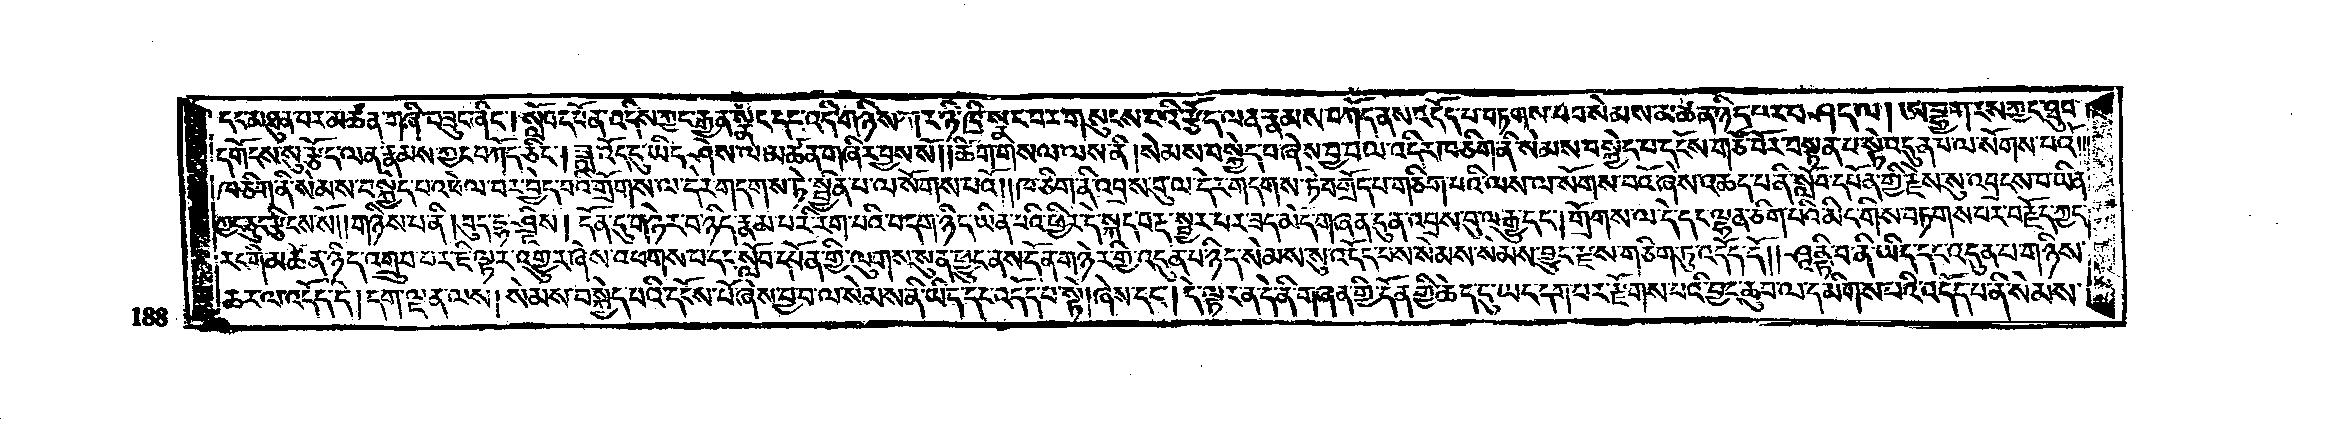དང་མཐུན་པར་མཚན་གཞི་བཟུང་ཞིང་། སློབ་དཔོན་འདིས་ཀྱང་རྒྱན་སྣང་དང་འདི་གཉིས་ཀར་ཉི་ཁྲི་སྣང་བར་གསུངས་པའི་རྩོད་ལན་རྣམས་བཀོད་ནས་འདོད་པ་བཏགས་བབ་སེམས་མཚན་ཉིད་པར་བཤད་ལ། ཨ་བྷྱ་ཀ་རས་ཀྱང་ཐུབ་
དགོངས་སུ་རྩོད་ལན་རྣམས་ཀྱང་བཀོད་ཅིང་། ཟླ་འོད་དུ་ཡིད་ཤེས་ལ་མཚན་གཞིར་བྱས་སོ། །ཚིག་གསལ་ལས་ནི། སེམས་བསྐྱེད་པ་ཞེས་བྱ་བ་ལ་འདིར་ཁ་ཅིག་ནི་སེམས་བསྐྱེད་པ་དངོས་གཙོ་བོར་བསྟན་པ་སྟེ་འདུན་པ་ལ་སོགས་པའོ།།
ཁ་ཅིག་ནི་སེམས་བསྐྱེད་པ་འཕེལ་བར་བྱེད་པའི་གྲོགས་ལ་དེར་གདགས་ཏེ་སྦྱིན་པ་ལ་སོགས་པའོ། །ཁ་ཅིག་ནི་འབྲས་བུ་ལ་དེར་གདགས་ཏེ་བགྲོད་པ་གཅིག་པའི་ལས་ལ་སོགས་པའོ་ཞེས་འཆད་པ་ནི་སློབ་དཔོན་གྱི་རྗེས་སུ་འབྲངས་པ་ཡིན་
ཀྱང་ཅུང་རྩིངས་སོ། །གཉིས་པ་ནི། བུད་དྷ་ཤྲཱིས། དོན་དུ་གཉེར་བ་ཉིད་རྣམ་པར་རིག་པའི་བདག་ཉིད་ཡིན་པའི་ཕྱིར་དེ་སྐད་བརྡ་སྦྱར་པར་ཟད་མོད་གཞན་དུ་ན་འབྲས་བུ་ལ་རྒྱུ་དང་། གྲོགས་ལ་དེ་དང་ལྷན་ཅིག་པའི་མིང་གིས་བཏགས་པར་བརྗོད་ཀྱང་
རང་གི་མཚན་ཉིད་འགྲུབ་པར་ཇི་ལྟར་འགྱུར་ཞེས་འཕགས་པ་དང་སློབ་དཔོན་གྱི་ལུགས་སུན་ཕྱུང་ནས་དོན་གཉེར་གྱི་འདུན་པ་ཉིད་སེམས་སུ་འདོད་པས་སེམས་སེམས་བྱུང་རྫས་གཅིག་ཏུ་འདོད་དོ། །ཤཱནྟི་པ་ནི་ཡིད་དང་འདུན་པ་གཉིས་
ཆར་ལ་འདོད་དེ། དག་ལྡན་ལས། སེམས་བསྐྱེད་པའི་དངོས་པོ་ཞེས་བྱ་བ་ལ་སེམས་ནི་ཡིད་དང་འདོད་པ་སྟེ། ཞེས་དང་། དེ་ལྟར་ན་དེ་ནི་གཞན་གྱི་དོན་གྱི་ཆེད་དུ་ཡང་དག་པར་རྫོགས་པའི་བྱང་ཆུབ་ལ་དམིགས་པའི་འདོད་པ་ནི་སེམས་